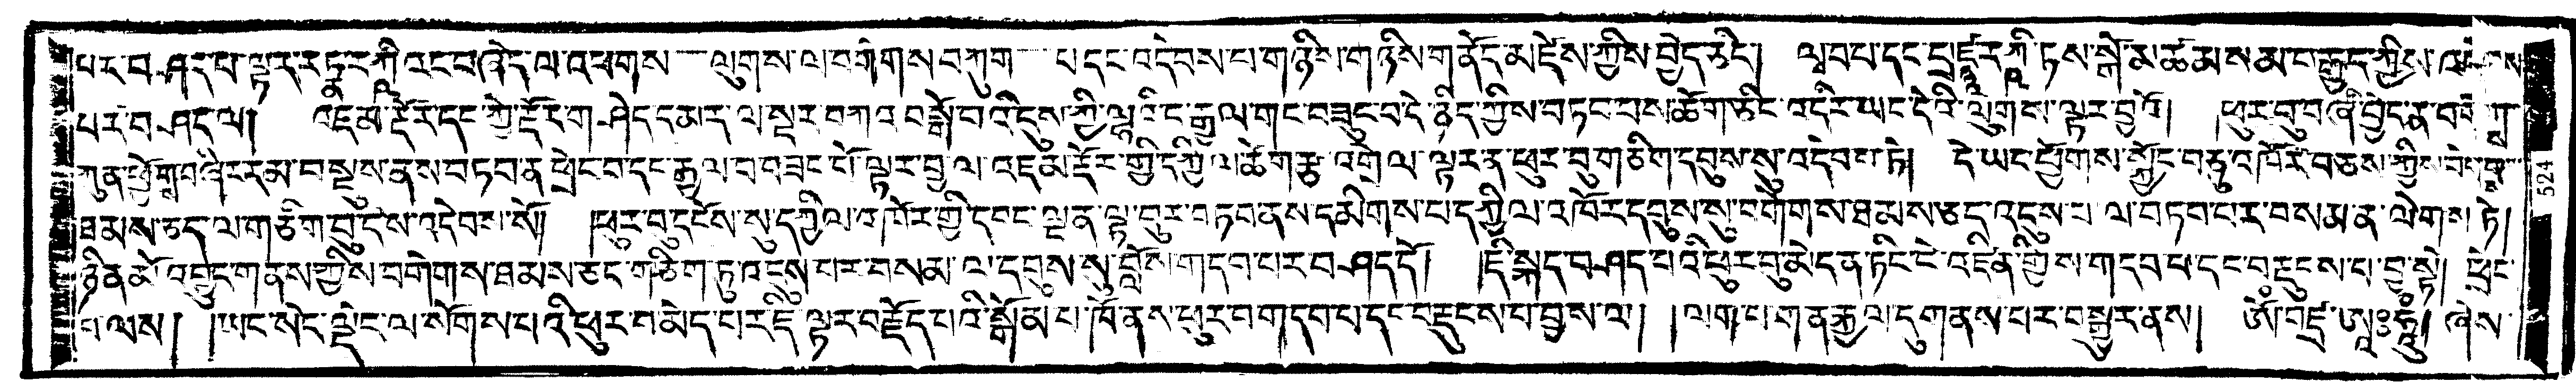བར་བཤད་པ་ལྟར་རཏྣ་རཀྵི་འང་བཞེད་ལ་འཕགས་ལུགས་ལ་བགེགས་བཀུག་པ་དང་བདེབས་པ་གཉིས་གཉིས་གནོད་མཛེས་ཀྱིས་བྱེད་ཅིང་། ལྭབ་པ་དང་པྲ་ཛྙཱ་ར་ཀྵི་ཏས་སྒོ་མཚམས་མ་བརྒྱད་ཀྱིས་འདེབས་
བར་བཤད་ལ། འཇམ་རྡོར་དང་ཀྱེ་རྡོར་གཤེད་དམར་ལ་སྔར་བཀའ་བསྒོ་བའི་དུས་ཀྱི་ལྷའི་ང་རྒྱལ་གང་བཟུང་བདེ་ཉིད་ཀྱིས་བཏབ་པས་ཆོག་ཅིང་འདིར་ཡང་དེའི་ལུགས་ལྟར་བྱའོ། །ཕུར་བུ་བཞི་བྱེད་ན་བའི་ཀས་
ཀུན་ཕྱོགས་བཞིར་རམ་བསྡུས་ནས་བཏབ་ན་ཕྲེང་བ་དང་རྒྱལ་བ་བཟང་པོ་ལྟར་བྱལ་འཇམ་རྡོར་གྱི་དཀྱིལ་ཚེག་རྩ་འགྲེལ་ལྟར་ན་ཕུར་བུ་གཅིག་དབུས་སུ་འདེབས་ཏེ། དེ་ཡང་ཕྱོགས་སྐྱོང་བཅུ་འཁོར་བཅས་ཀྱིས་བྱ?
ཐམས་ཅད་ལ་གཅིག་བུ་དེས་འདེབས་སོ། །ཕུར་བུ་དངོས་སུ་དཀྱིལ་འཁོར་གྱི་དབང་ལྡན་ལྟ་བུར་བཏབ་ནས་དམིགས་པ་དཀྱིལ་འཁོར་དབུས་སུ་བགེགས་ཐམས་ཅད་འདུས་པ་ལ་བཏབ་པར་བསམ་ན་ལེགས་ཏེ།
ཉིན་མོ་འབྱུང་གནས་ཀྱིས་བགེགས་ཐམས་ཅད་གཅིག་ཏུ་འདུས་པར་བསམ་ལ་དབུས་སུ་བློས་གདབ་པར་བཤད་དོ། །ཇི་སྐད་བཤད་པའི་ཕུར་བུ་མེད་ན་ཏིང་ངེ་འཛིན་གྱིས་གདབ་པ་དང་བརྡུངས་པ་བྱ་སྟེ། ཕྲེང་
པ་ལས། །ཡང་སེང་ལྡེང་ལ་སོགས་པའི་ཕུར་བ་མེད་པར་ཇི་ལྟར་བརྗོད་པའི་སྒོམ་པ་ཁོ་ནས་ཕུར་བ་གདབ་པ་དང་བརྡུངས་པ་བྱས་ལ། ལག་པ་གན་རྐྱལ་དུ་གནས་པར་བསྒྱུར་ནས། ཨོཾ་བཛྲ་ཨཱཿ ཧཱུཾ། ཞེས་